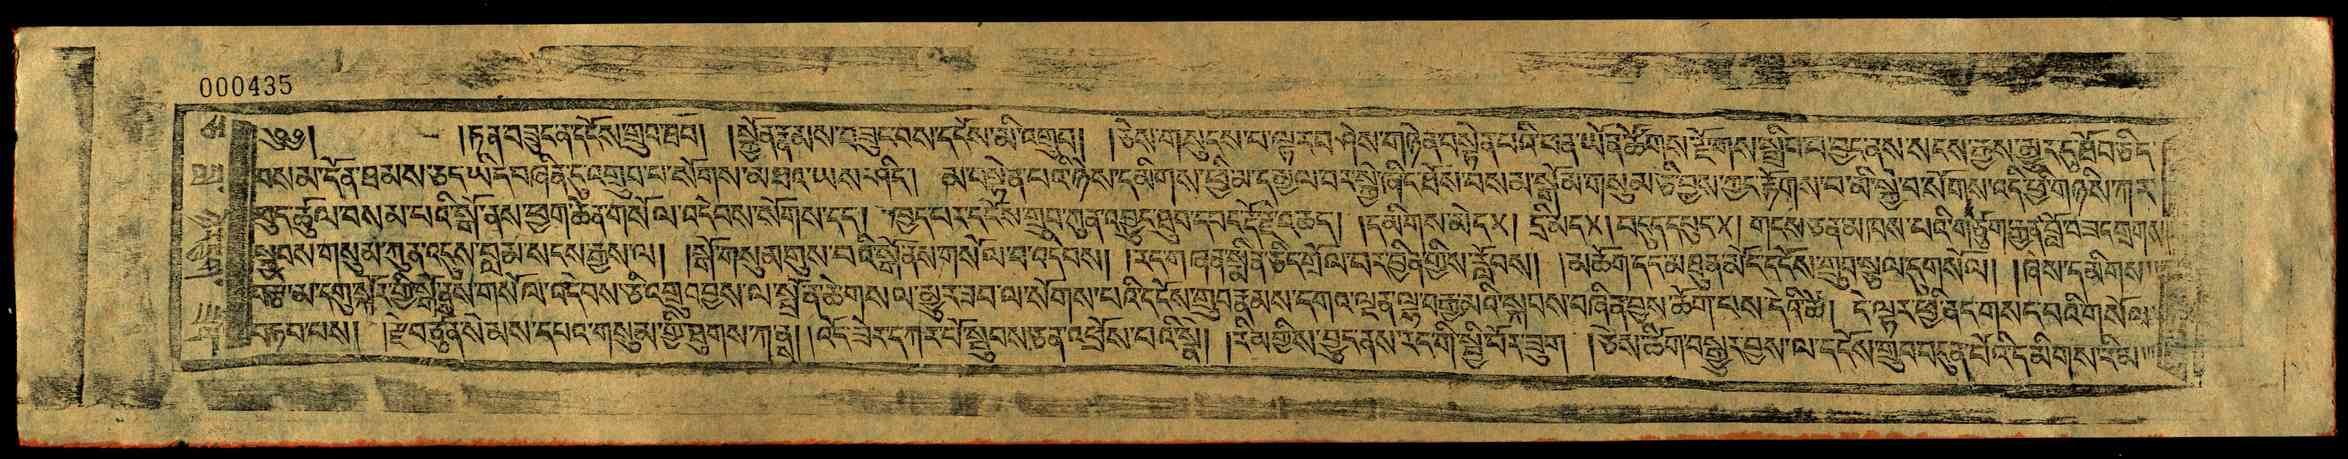༄༅། །ཏན་བཟུང་ན་དངོས་གྲུབ་ཐོབ། །སྐྱོན་རྣམས་བཟུང་བས་དངོས་མི་འགྲུབ། །ཅེས་གསུངས་པ་ལྟར་བཤེས་གཉེན་བསྟེན་པའི་ཕན་ཡོན་ཚོགས་རྫོགས་སྒྲིབ་པ་བྱང་ནས་སངས་རྒྱས་མྱུར་དུ་ཐོབ་ཅིང་
བསམ་དོན་ཐམས་ཅད་ཡིད་བཞིན་དུ་འགྲུབ་པ་སོགས་མཐའ་ཡས་ཤིང་། མ་བསྟེན་པའི་ཉེས་དམིགས་ཕྱི་མ་དམྱལ་བར་སྐྱེ་ཞིང་ཐོས་བསམ་སྒོམ་གསུམ་ཅི་བྱས་ཀྱང་རྟོགས་པ་མི་སྐྱེ་བ་སོགས་འདི་ཕྱི་གཉིས་ཀར་
ཕུང་ཚུལ་བསམ་པའི་སྒོ་ནས་ཕྱག་ཆེན་གསོལ་འདེབས་སོགས་དང་། ཁྱད་པར་དངོས་གྲུབ་ཀུན་འབྱུང་ཐུབ་དབང་རྡོ་རྗེ་འཆང་། །དམིགས་མེད་྾་།དྲི་མེད་྾་།བདུད་དཔུང་྾་།གངས་ཅན་མཁས་པའི་གཙུག་རྒྱན་བློ་བཟང་གྲགས།
སྐྱབས་གསུམ་ཀུན་འདུས་བླ་མ་སངས་རྒྱས་ལ། །སྒོ་གསུམ་གུས་པའི་སྒོ་ནས་གསོལ་བ་འདེབས། །རང་གཞན་སྨིན་ཅིང་གྲོལ་བར་བྱིན་གྱིས་རློབས། །མཆོག་དང་མཐུན་མོང་དངོས་གྲུབ་སྩལ་དུ་གསོལ། །ཞེས་དམིགས་
བརྩེ་མ་དགུ་སྐོར་གྱི་སྒོ་ནས་གསོལ་འདེབས་ཅི་འགྲུབ་བྱས་ལ་སྤྲོ་ན་ཆེ་གསལ་མྱུར་ཟབ་ལ་སོགས་པའི་དངོས་གྲུབ་རྣམས་དགའ་ལྡན་ལྷ་བརྒྱ་མའི་སྐབས་བཞིན་བྱས་ཆོག་པས་དེའི་ཚེ། དེ་ལྟར་ཕྱི་ནང་གསང་བའི་གསོལ་
བཏབ་པས། །རྗེ་བཙུན་སེམས་དཔའ་གསུམ་གྱི་ཐུགས་ཀ་ནས། །འོད་ཟེར་དཀར་པོ་སྦུབས་ཅན་འཕྲོས་པའི་སྣེ། །རིམ་གྱིས་བྱུང་ནས་རང་གི་སྤྱི་བོར་ཟུག །ཅེས་ཚིག་བསྒྱུར་བྱས་ལ་དངོས་གྲུབ་བདུན་པོའི་དམིགས་རིམ་